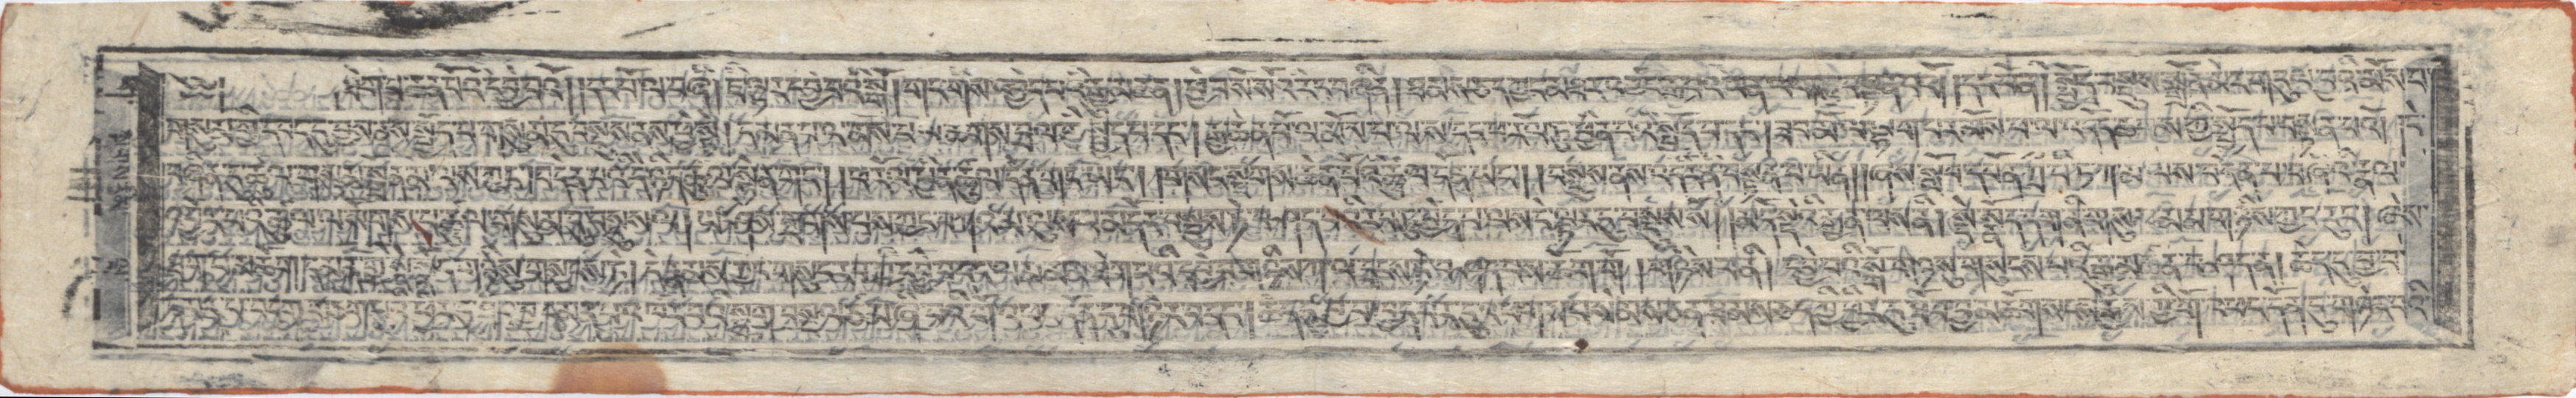༄༅། །ཐེག་པ་ཆེན་པོའི་དབྱེ་བའོ། །དང་པོ་ལ་བཞི། ཇི་ལྟར་དབྱེ་བའི་སྒོ། གང་གིས་འབྱེད་པའི་རྒྱུ་མཚན། ཕྱེ་བ་སོ་སོའི་རང་བཞིན། ཐམས་ཅད་ཀྱང་མཐར་འཚང་རྒྱ་བའི་ཡན་ལག་ཏུ་བསྟན་པའོ། །དང་པོ་ནི། སྤྱོད་བསྡུས་སྒྲོན་མེར་གདུལ་བྱའི་མོས་པ་
གསུམ་གྱི་དབང་དུ་བྱས་ནས་སྤྱོད་པ་གསུམ་དུ་བསྡུས་ནས་ཕྱེ་སྟེ། དམན་པ་ལ་མོས་པ་ལ་ཆགས་བྲལ་གྱི་སྤྱོད་པ་དང་། རྒྱ་ཆེན་པོ་ལ་མོས་པ་ལ་ས་དང་ཕ་རོལ་ཏུ་ཕྱིན་པའི་སྤྱོད་པ་དང་། ཟབ་མོ་ལ་ལྷག་པར་མོས་པ་ལ་འདོད་ཆགས་ཀྱི་སྤྱོད་པ་བསྟན་པའོ། །དེ་
བཞིན་དུ་ཚུལ་གསུམ་སྒྲོན་མེ་ལས་ཀྱང་། བདེན་པའི་དེ་ཉིད་ཚུལ་སྟོན་གང་། །ཕ་རོལ་ཕྱིན་ཚུལ་དོན་གང་ཡང་། །གསང་སྔགས་ཆེན་པོའི་ཚུལ་དོན་ཡང་། །བསྡུས་ནས་འདིར་ནི་བསྟན་པ་ཡིན། །ཞེས་སློབ་དཔོན་ཀྲྀ་པི་ཏ་ཀ་མ་ལས་བདེན་པ་བཞིའི་རྣལ་
འབྱོར་པའི་ཚུལ་ལ་སོགས་པ་ཚུལ་གསུམ་དུ་བསྡུས་ལ། ཡེ་ཤེས་གྲགས་པས་ཀྱང་བཀའ་མ་ལུས་པ་མདོར་བསྡུས་ཏེ་བཤད་པའི་རབ་ཏུ་བྱེད་པ་ལས་དེ་ལྟར་དུ་བསྡུས་སོ། །མདོ་སྡེའི་རྒྱན་ལས་ནི། སྡེ་སྣོད་དག་ནི་གསུམ་མམ་གཉིས་ཀྱང་རུང་། ཞེས་
ཐེག་པ་མཆོག་དམན་གྱི་སྡེ་སྣོད་གཉིས་སུ་གསུངས་ཏེ། དེ་རྣམས་ཀྱང་གསུང་རབ་ཀྱི་དབྱེ་བ་དང་ལམ་མམ་ཐེག་པའི་དབྱེ་བ་གཉིས་ཀ་ལ་དྲངས་ཏེ་བཤད་པས་ཆོག་གོ །གཉིས་པ་ནི། དབྱེ་བའི་སྒོ་གཉིས་སུ་གསུངས་པའི་རྒྱུ་མཚན་བཤད་ན། ཆེད་དུ་བྱ་བ་
དམན་པ་བདག་གཅིག་པུའི་ཕྱིར་དུ་ཐོབ་བྱ་དམན་པ་འཁོར་བའི་སྡུག་བསྔལ་ཙམ་ཞི་བའི་གོ་འཕང་དོན་དུ་གཉེར་བ་དང་། ཆེད་དུ་བྱ་བ་ཁྱད་པར་དུ་འཕགས་པ་སེམས་ཅན་ཐམས་ཅད་ཀྱི་ཕྱིར་དུ་ཐོབ་བྱ་མཆོག་སངས་རྒྱས་ཀྱི་གོ་འཕང་དོན་དུ་གཉེར་བའི་